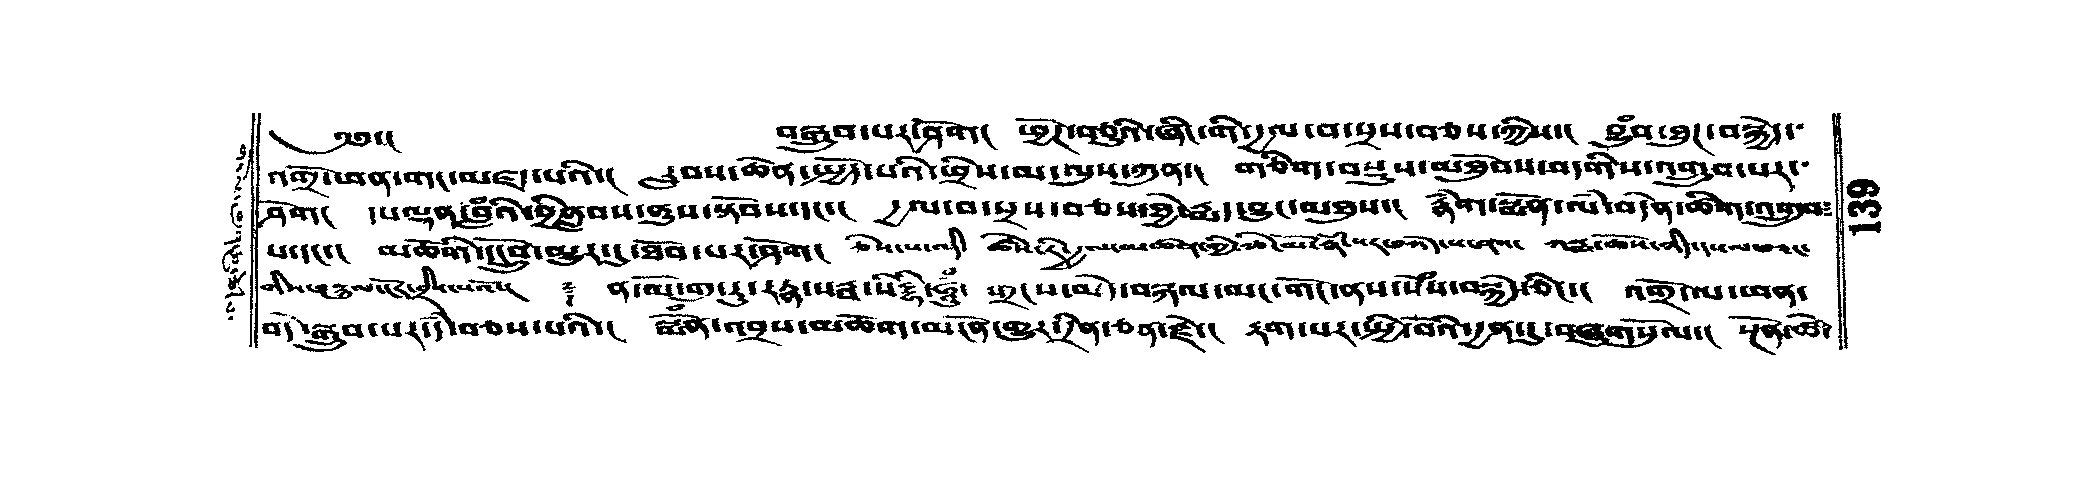བསྒྲུབ་པར་ཤོག །ཕྱོགས་བཅུའི་ཞིང་གི་རྒྱལ་བ་སྲས་བཅས་ཀྱིས། །བྱང་ཆུབ་ཐུགས་བསྐྱེད་
འགྲོ་ཕན་གང་མཛད་པའི། །རླབས་ཆེན་སྤྱོད་པའི་ཕྲིན་ལས་མ་ལུས་ཀུན། །གཅིག་བསྡུས་མཐུ་སྟོབས་བདག་གིས་འགྲུབ་པར་
ཤོག །དཔལ་ལྡན་བླ་མའི་བྱིན་རླབས་ནུས་སྟོབས་དང་། །རྒྱལ་བ་སྲས་བཅས་ཐུགས་རྗེ་རྨད་བྱུང་མཐུས། །རྣམ་དག་སྨོན་ལམ་བདེན་ཚིག་འགྲུབ་
པ་དང་། །མཆོག་གི་དངོས་གྲུབ་མྱུར་དུ་ཐོབ་པར་ཤོག ཅེས་པ་ནི་ཚེས་རི་རྒྱལ་མཚན་གྱི་རྩེ་མོ་རྣམ་པར་བཀོད་པ་ནས། ཀརྨ་ཆོས་ཉིད་དཔལ་བཟང་
གིས་བསྐུལ་ངོར་བྲིས་པའོ།། ༈ ན་མོ་གུ་རུ་རཏྣ་སརྦ་སིདྡྷི་ཧཱུྃ། གྲངས་མེད་བསྐལ་མང་གོང་ནས་སེམས་བསྐྱེད་ཅིང་། །འགྲོ་ལ་ཕན་
བདེ་སྒྲུབ་པར་དམ་བཅས་པའི། །སྨོན་ལམ་འབྲས་མཆོག་མངོན་གྱུར་དྲིན་ཅན་རྗེ། །རྟག་པར་སྤྱི་བོའི་རྒྱན་དུ་བཞུགས་སུ་གསོལ། །སྔོན་ཚེ་